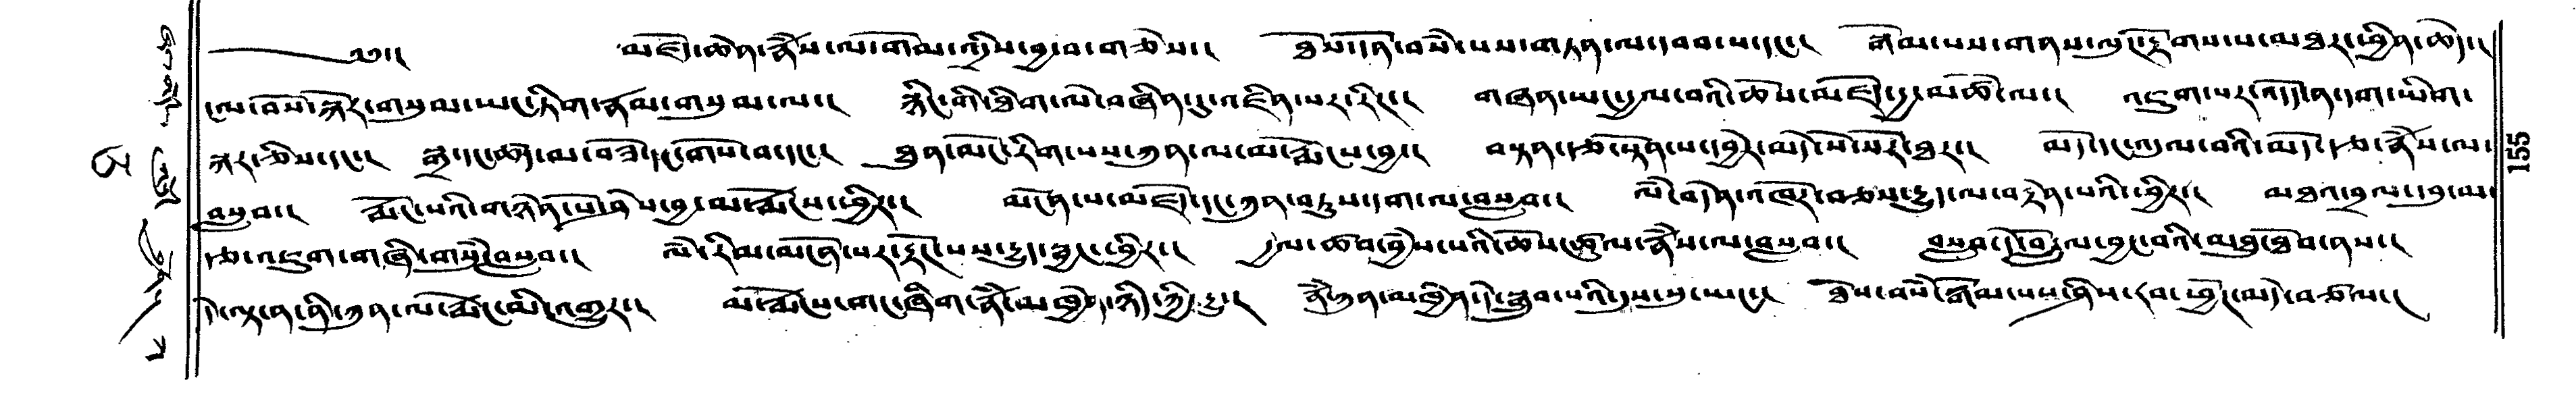༄༅། མཛོད་ཆེན་རྣམས་ལ་གོམ་འདྲིས་བྱ་བ་གཅེས་། ཐོས་དོན་བསམ་པས་གཏན་ལ་དབབ་པ་དང་། །སྒོམ་པས་གནས་ལུགས་རྟོགས་པ་མཐར་ཕྱིན་ཆེད། །
ངལ་བསོ་སྐོར་གསུམ་ཡང་ཏིག་རྣམ་གསུམ་ལ། །སྙིང་གི་ཐིག་ལེ་བཞིན་དུ་འཛིན་པར་རིགས། །གཞན་ཡང་རྒྱལ་བའི་ཆོས་མཛོད་རྒྱ་མཚོ་ལ། །འཇུག་པར་འདོད་ན་དག་ཡིག་
སྐར་རྩིས་དང་། །སྒྲ་དང་ཚད་མ་བཟོ་དང་གསོ་བ་དང་། །ཐུན་མོང་རིག་པ་ཀུན་ལ་མ་རྨོངས་བྱ། །བསྟན་རྩ་སྟོན་པ་དབྱེར་མེད་སོ་སོར་ཐར།མདོ་དང་འདུལ་བའི་མདོ་རྩ་རྣམས་ལ་
བསླབ། །རྨོངས་པའི་གཉེན་པོ་ཤེས་བྱར་མི་རྨོངས་ཕྱིར། །མངོན་པ་མཛོད་དང་ཀུན་བཏུས་དག་ལ་བསླབ། །ལམ་བདེན་འཁོར་བཅས་རྒྱུད་ལ་བརྟེན་པའི་ཕྱིར། །མཐའ་བྲལ་དབུ་མ་
རྩ་འཇུག་གཞི་གསུམ་བསླབ། །ལམ་རིམ་མངོན་པར་རྟོགས་པས་རྒྱུད་སྦྱང་ཕྱིར་། །རྒྱལ་ཚབ་བྱམས་པའི་ཆོས་ཚུལ་རྣམས་ལ་བསླབ། །བསླབས་སྟེ་བློ་ལ་བྱང་བའི་མཐུ་ཐོབ་ནས། །
དེ་ལྟ་ན་ནི་ཀུན་ལ་རྨོངས་མི་འགྱུར། །མ་རྨོངས་གང་ཞིག་རྣམ་མཁྱེན་ཉིད་ཀྱི་རྒྱུ། །རྣམ་ཀུན་མཁྱེན་དེ་སྒྲུབ་པའི་དུས་སུ་ཡང་། །ཐོས་བསམ་སྒོམ་པས་ཤེས་རབ་ཕྱོགས་མེད་བཙལ།